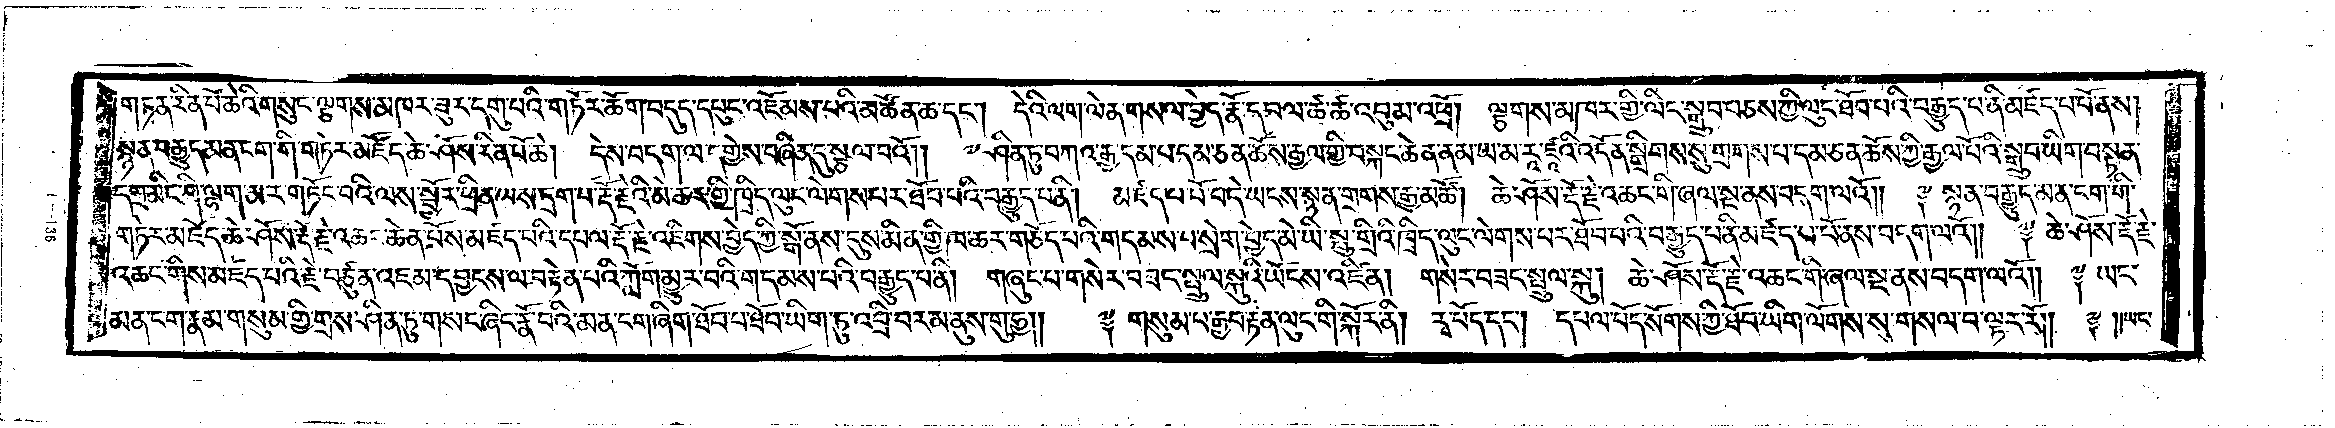གཏན་རིན་པོ་ཆེའི་གསུང་ལྕགས་མཁར་ཟུར་དགུ་པའི་གཏོར་ཆོག་བདུད་དཔུང་འཇོམས་པའི་མཚོན་ཆ་དང་། དེའི་ལག་ལེན་གསལ་བྱེད་རྣོ་དཔལ་ཚ་ཚ་འབུམ་འཕྲོ། ལྕགས་མཁར་གྱི་ལིང་སྒྲུབ་བཅས་ཀྱི་ལུང་ཐོབ་པའི་བརྒྱུད་པ་ནི་མཛད་པ་པོ་ནས།
སྙན་བརྒྱུད་མན་ངག་གི་གཏོར་མཛོད་ཆེ་ཤོས་རིན་པོ་ཆེ། དེས་བདག་ལ་དགྱེས་བཞིན་དུ་སྩལ་བའོ།། ༧་ཤིན་ཏུ་བཀའ་རྒྱ་དམ་པ་དམ་ཅན་ཆོས་རྒྱལ་གྱིན་བསྐང་ཆེན་ནམ་ཡ་མ་རཱ་ཛཱའི་འདོན་སྒྲིག་སུ་གྲགས་པ་དམ་ཅན་ཆོས་ཀྱི་རྒྱལ་པོའི་སྒྲུབ་ཡིག་བསྟན་
དགྲ་མིང་གི་ལྷག་མར་གཏོང་བའི་ལས་སྦྱོར་ཕྲིན་ལས་དྲག་པ་རྡོ་རྗེའི་མེ་ཆང་གྱི་ཁྲིད་ལུང་ལེགས་པར་ཐོབ་པའི་བརྒྱུད་པ་ནི། མཛད་པ་པོ་བདེ་ཡངས་སྙན་གྲགས་རྒྱ་མཚོ། ཆེ་ཤོས་རྡོ་རྗེ་འཆང་གི་ཞལ་སྔ་ནས་བདག་ལའོ།། ༈ སྙམ་བརྒྱུད་མན་ངག་གི་
གཏེར་མཛེད་ཆེ་ཤོས་རྡོ་རྗེ་འཆག་ཆེན་པོས་མཛད་པའི་དཔལ་རྡོ་རྗེ་འཇིགས་བྱེད་ཀྱི་སྒོ་ནས་དུས་མིན་གྱི་ཁ་ཆར་གཅོད་པའི་གདམ་པ་སྲེག་བྱེད་མེ་ཡི་སྤུ་གྲིའི་ཁྲིད་ལུང་ལེགས་པ་ཐོབ་པའི་བརྒྱུད་པ་ནི་མཛད་པ་པོ་ནས་བདག་ལའོ།། ༈ ཆེ་ཤོས་རྡོ་རྗེ་
འཆང་གིས་མཛོད་པའི་རྗེ་བཙུན་འཇམ་དབྱངས་ལ་བརྟེན་པའི་ཀློག་མྱུར་བའི་གདམས་པའི་བརྒྱུད་པ་ནི། གཞུང་པ་གསེར་བཟང་སྤྲུལ་སྐུའི་ཡོངས་འཛིན། གསེར་བཟང་སྤྲུལ་སྐུ། ཆེ་ཤོས་རྡོ་རྗེ་འཆང་གི་ཞལ་སྔ་ནས་བདག་ལའོ།། ༈ ཡང་
མན་ངག་རྣམ་གསུམ་གྱི་གྲས་ཤིན་ཏུ་གསང་ཞིང་རྣོ་བའི་མན་ངག་ཞིག་ཐོབ་པ་ཐོབ་པ་ཡིག་ཏུ་འབྲི་བར་མ་ནུས་གུ་ཧྱ།། ༈ གསུམ་པ་རྒྱབ་རྟེན་ལུང་གི་སྐོར་ནི། རྭ་བོད་དང་། དཔལ་བོད་སོགས་ཀྱི་ཐོབ་ཡིག་ལོགས་སུ་གསལ་བ་ལྟར་རོ།། ༈ །།ཡང་